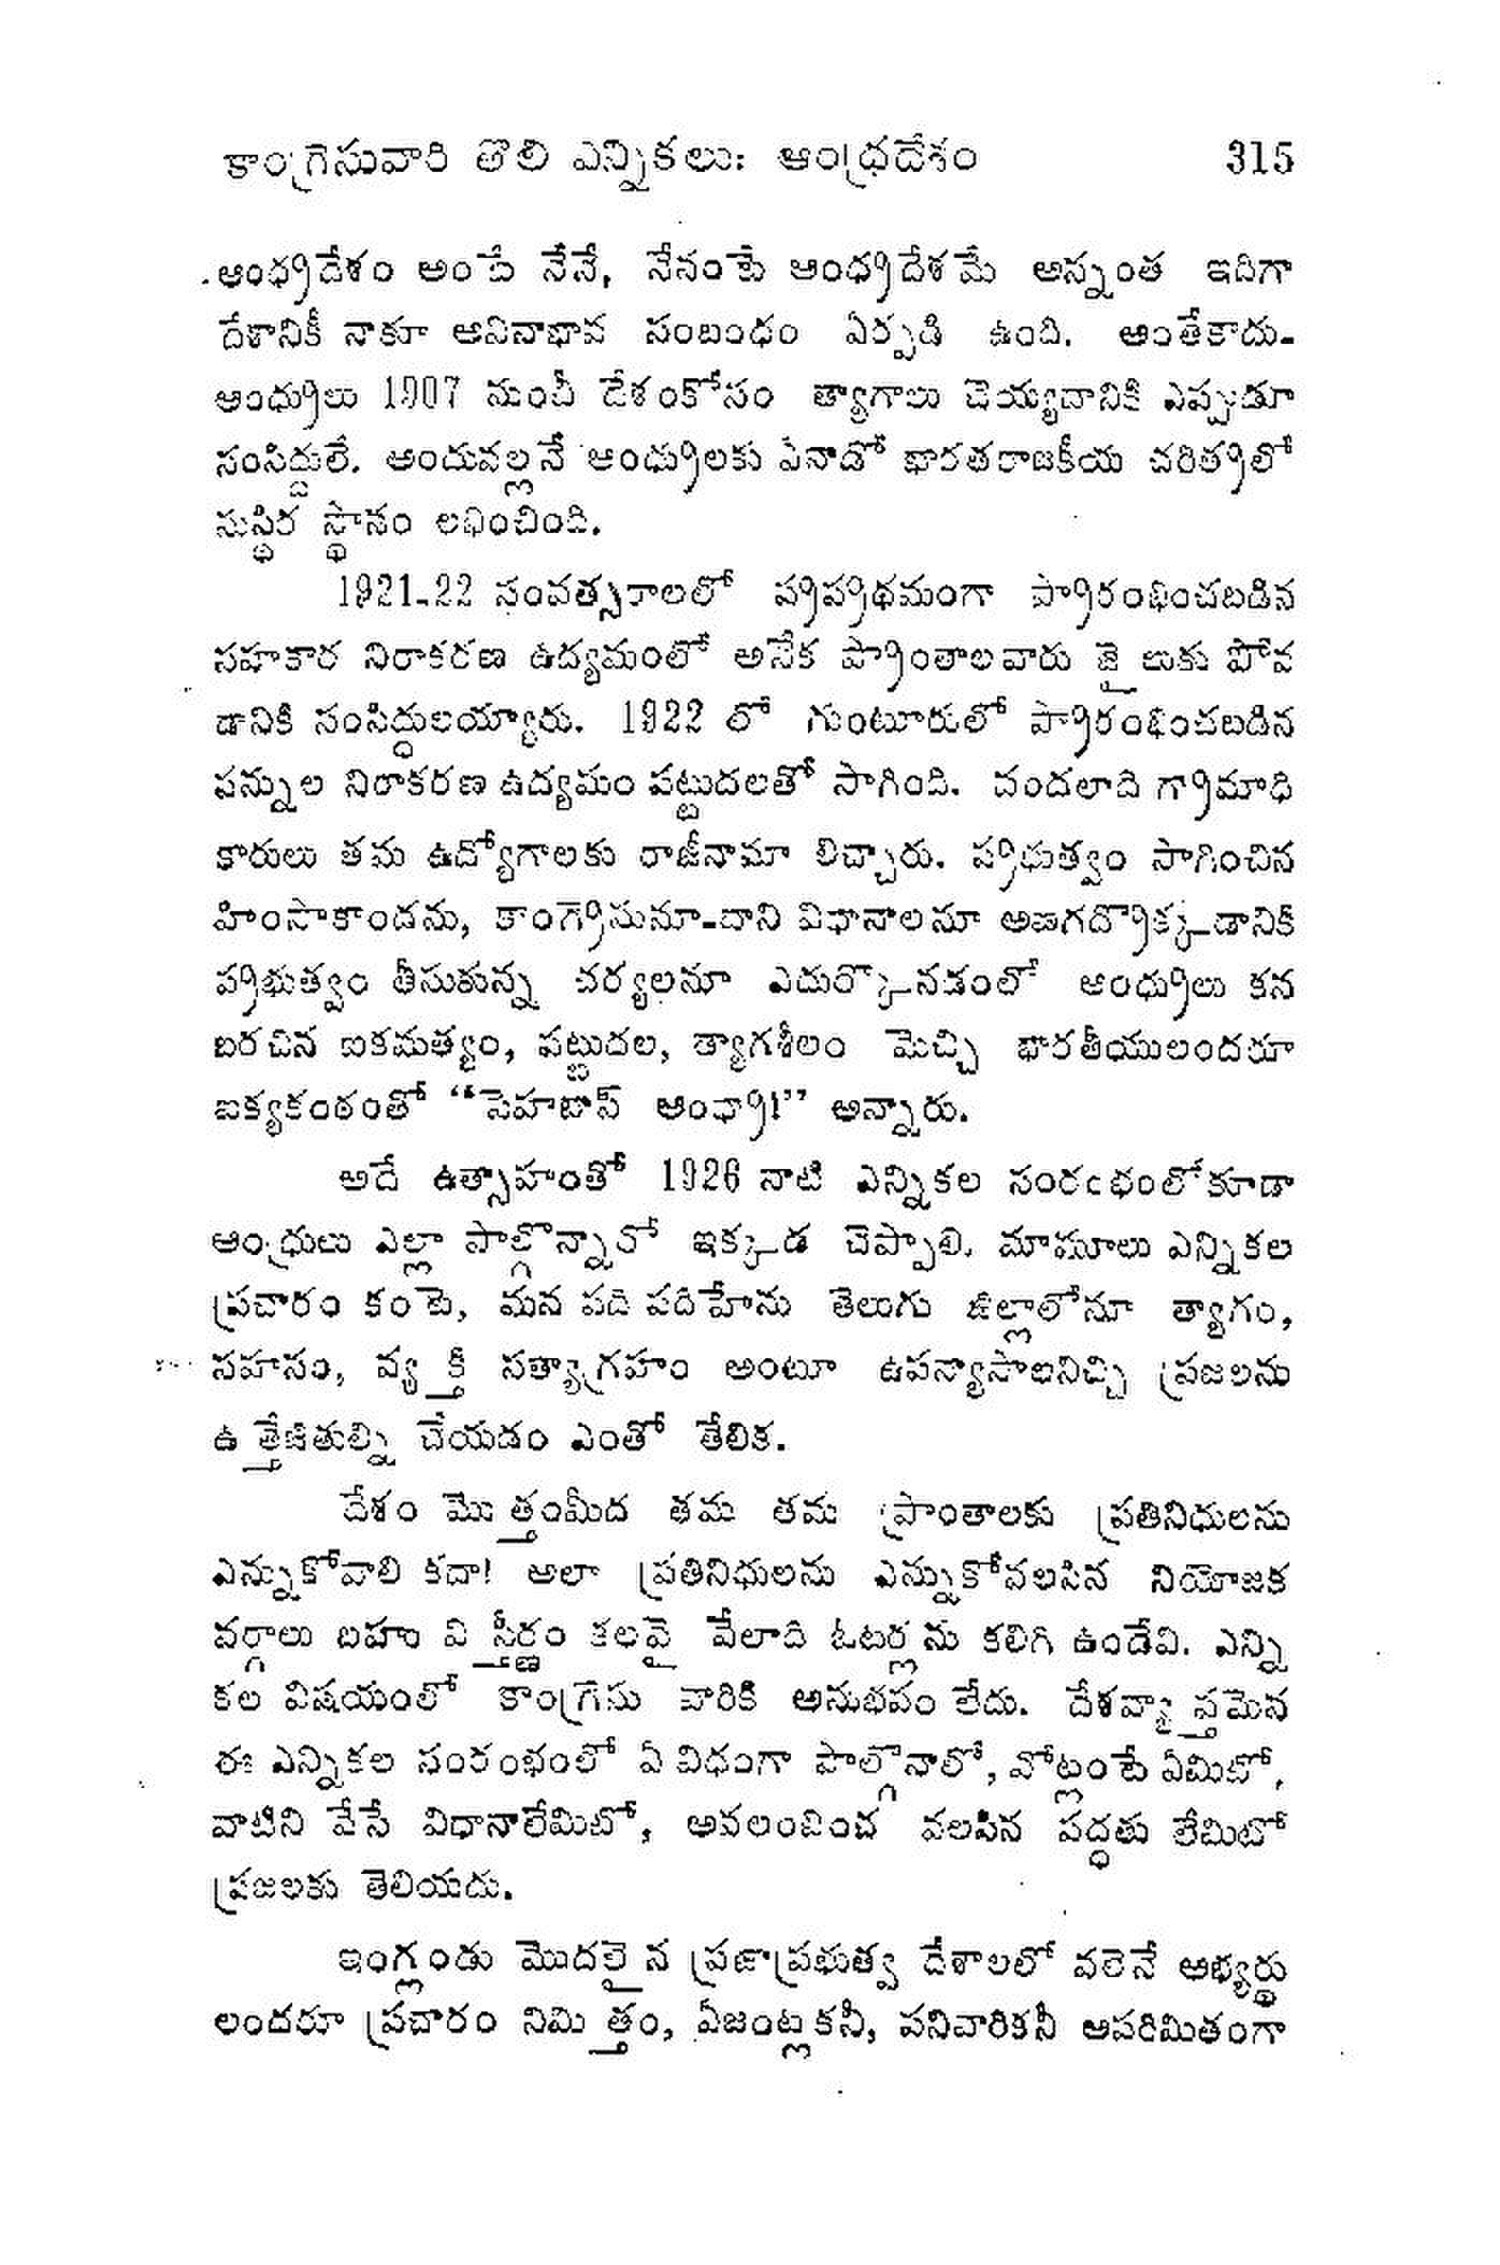ఆంధ్రదేశం అంటే నేనే, నేనంటే ఆంధ్రదేశమే అన్నంత ఇదిగా దేశానికీ నాకూ అవినాభావ సంబంధం ఏర్పడి ఉంది. అంతేకాదు-ఆంధ్రులు 1907 నుంచీ దేశంకోసం త్యాగాలు చెయ్యడానికి ఎప్పుడూ సంసిద్దులే. అందువల్లనే ఆంధ్రులకు ఏనాడో భారతరాజకీయ చరిత్రలో సుస్థిర స్థానం లభించింది.

1921-22 సంవత్సరాలలో ప్రప్రథమంగా ప్రారంభించబడిన సహకార నిరాకరణ ఉద్యమంలో అనేక ప్రాంతాలవారు జైలుకు పోవడానికి సంసిద్దులయ్యారు. 1922 లో గుంటూరులో ప్రారంభించబడిన పన్నుల నిరాకరణ ఉద్యమం పట్టుదలతో సాగింది. వందలాది గ్రామాధికారులు తమ ఉద్యోగాలకు రాజీనామా లిచ్చారు. ప్రభుత్వం సాగించిన హింసాకాండను, కాంగ్రెసునూ-దాని విధానాలనూ అణగద్రొక్కడానికి ప్రభుత్వం తీసుకున్న చర్యలనూ ఎదుర్కొనడంలో ఆంధ్రులు కనబరచిన ఐకమత్యం, పట్టుదల, త్యాగశీలం మెచ్చి భారతీయులందరూ ఐక్యకంఠంతో "సెహబాస్ ఆంధ్ర్రా!" అన్నారు.

అదే ఉత్సాహంతో 1926 నాటి ఎన్నికల సంరంభంలో కూడా ఆంధ్రులు ఎల్లా పాల్గొన్నారో ఇక్కడ చెప్పాలి. మామూలు ఎన్నికల ప్రచారం కంటె, మన పది పదిహేను తెలుగు జిల్లాలోనూ త్యాగం, సహనం, వ్యక్తి సత్యాగ్రహం అంటూ ఉపన్యాసాలనిచ్చి ప్రజలను ఉత్తేజితుల్ని చేయడం ఎంతో తేలిక.

దేశం మొత్తంమీద తమ తమ ప్రాంతాలకు ప్రతినిధులను ఎన్నుకోవాలి కదా! అలా ప్రతినిధులను ఎన్నుకోవలసిన నియోజక వర్గాలు బహు విస్తీర్ణం కలవి వేలాది ఓటర్లను కలిగి ఉండేవి. ఎన్నికల విషయంలో కాంగ్రెసు వారికి అనుభవం లేదు. దేశవ్యాప్తమైన ఈ ఎన్నికల సంరంభంలో ఏ విధంగా పాల్గొనాలో, వోట్లంటే ఏమిటో, వాటిని వేసే విధానాలేమిటో, అవలంబించ వలసిన పద్ధతు లేమిటో ప్రజలకు తెలియదు.

ఇంగ్లండు మొదలైన ప్రజాప్రభుత్వ దేశాలలో వలెనే అభ్యర్థు లందరూ ప్రచారం నిమిత్తం, ఏజంట్లకనీ, పనివారికనీ అపరిమితంగా